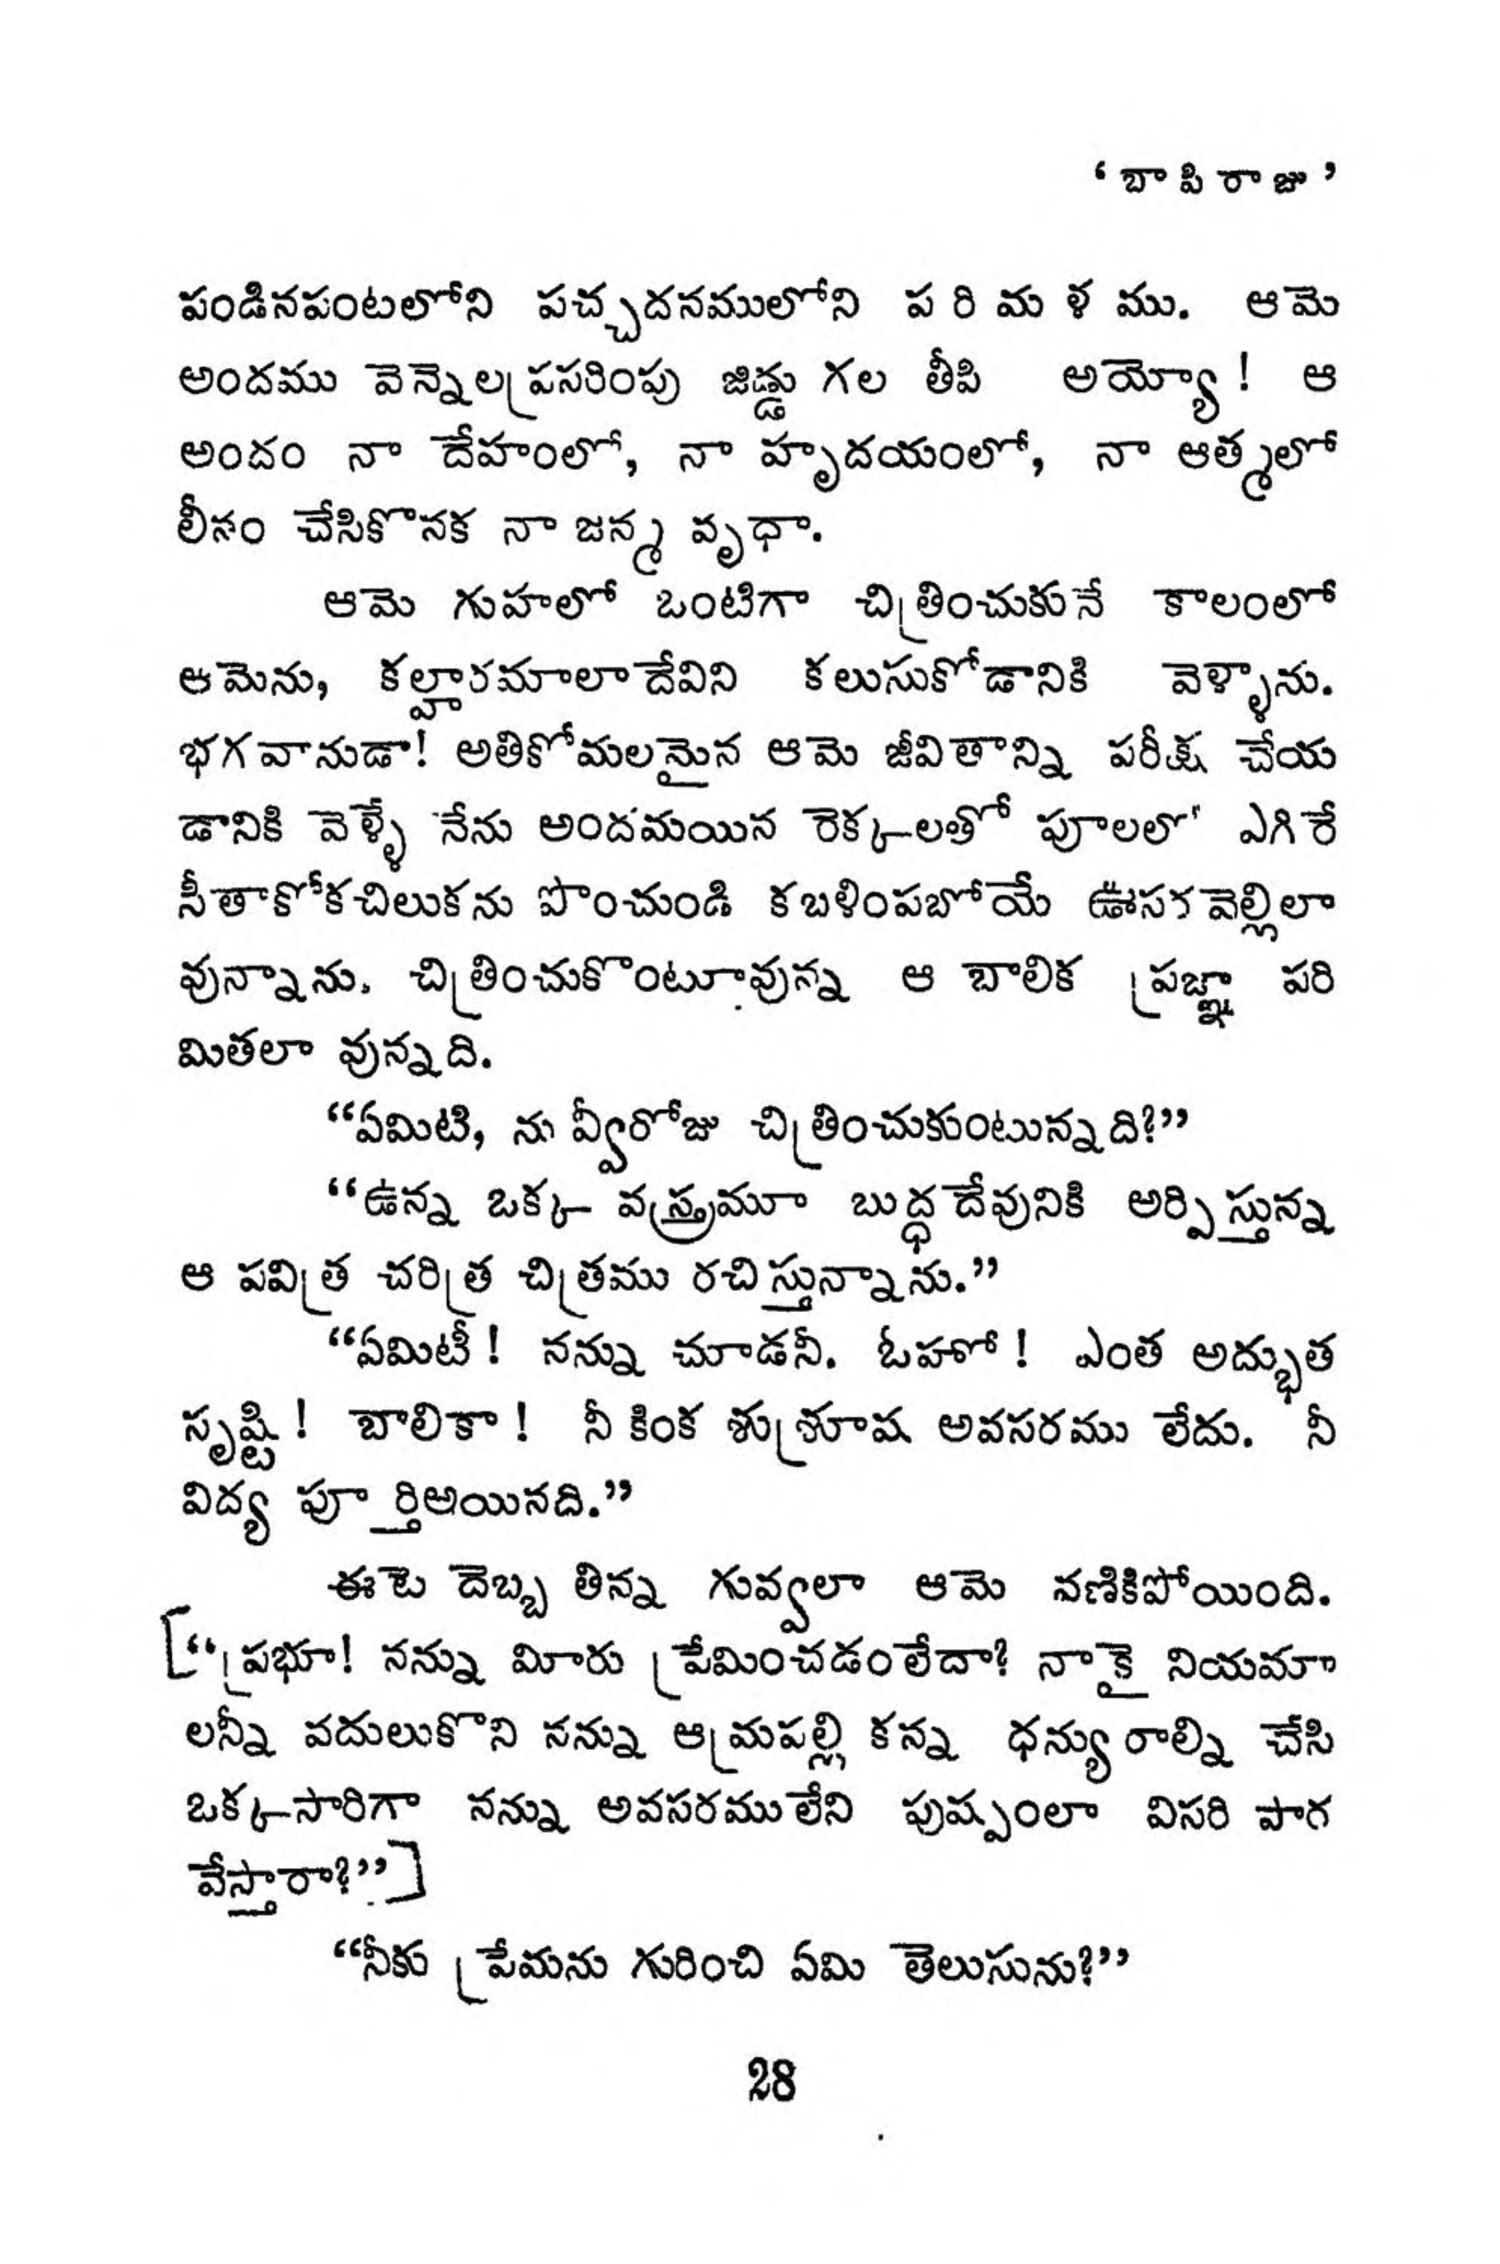పండినపంటలోని పచ్చదనములోని పరిమళము. ఆమె అందము వెన్నెలప్రసరింపు జిడ్డు గల తీపి అయ్యో! ఆ అందం నా దేహంలో, నా హృదయంలో, నా ఆత్మలో లీనం చేసికొనక నా జన్మ వృధా.

ఆమె గుహలో ఒంటిగా చిత్రించుకునే కాలంలో ఆమెను, కల్హారమాలాదేవిని కలుసుకోడానికి వెళ్ళాను. భగవానుడా! అతికోమలమైన ఆమె జీవితాన్ని పరీక్ష చేయడానికి వెళ్ళే నేను అందమయిన రెక్కలతో పూలలో ఎగిరే సీతాకోకచిలుకను పొంచుండి కబళింపబోయే ఊసరవెల్లిలా వున్నాను. చిత్రించుకొంటూవున్న ఆ బాలిక ప్రజ్ఞా పరిమితలా వున్నది.

“ఏమిటి, ను వ్వీరోజు చిత్రించుకుంటున్నది?”

“ఉన్న ఒక్క వస్త్రమూ బుద్ధదేవునికి అర్పిస్తున్న ఆ పవిత్ర చరిత్ర చిత్రము రచిస్తున్నాను.”

“ఏమిటీ! నన్ను చూడనీ. ఓహో! ఎంత అద్భుత సృష్టి! బాలికా! నీ కింక శుశ్రూష అవసరము లేదు. నీ విద్య పూర్తిఅయినది.”

ఈటె దెబ్బ తిన్న గువ్వలా ఆమె వణికిపోయింది. “ప్రభూ! నన్ను మీరు ప్రేమించడంలేదా? నాకై నియమాలన్నీ వదులుకొని నన్ను ఆమ్రపల్లి కన్న ధన్యురాల్ని చేసి ఒక్కసారిగా నన్ను అవసరములేని పుష్పంలా విసరి పారవేస్తారా?”

“నీకు ప్రేమను గురించి ఏమి తెలుసును?”